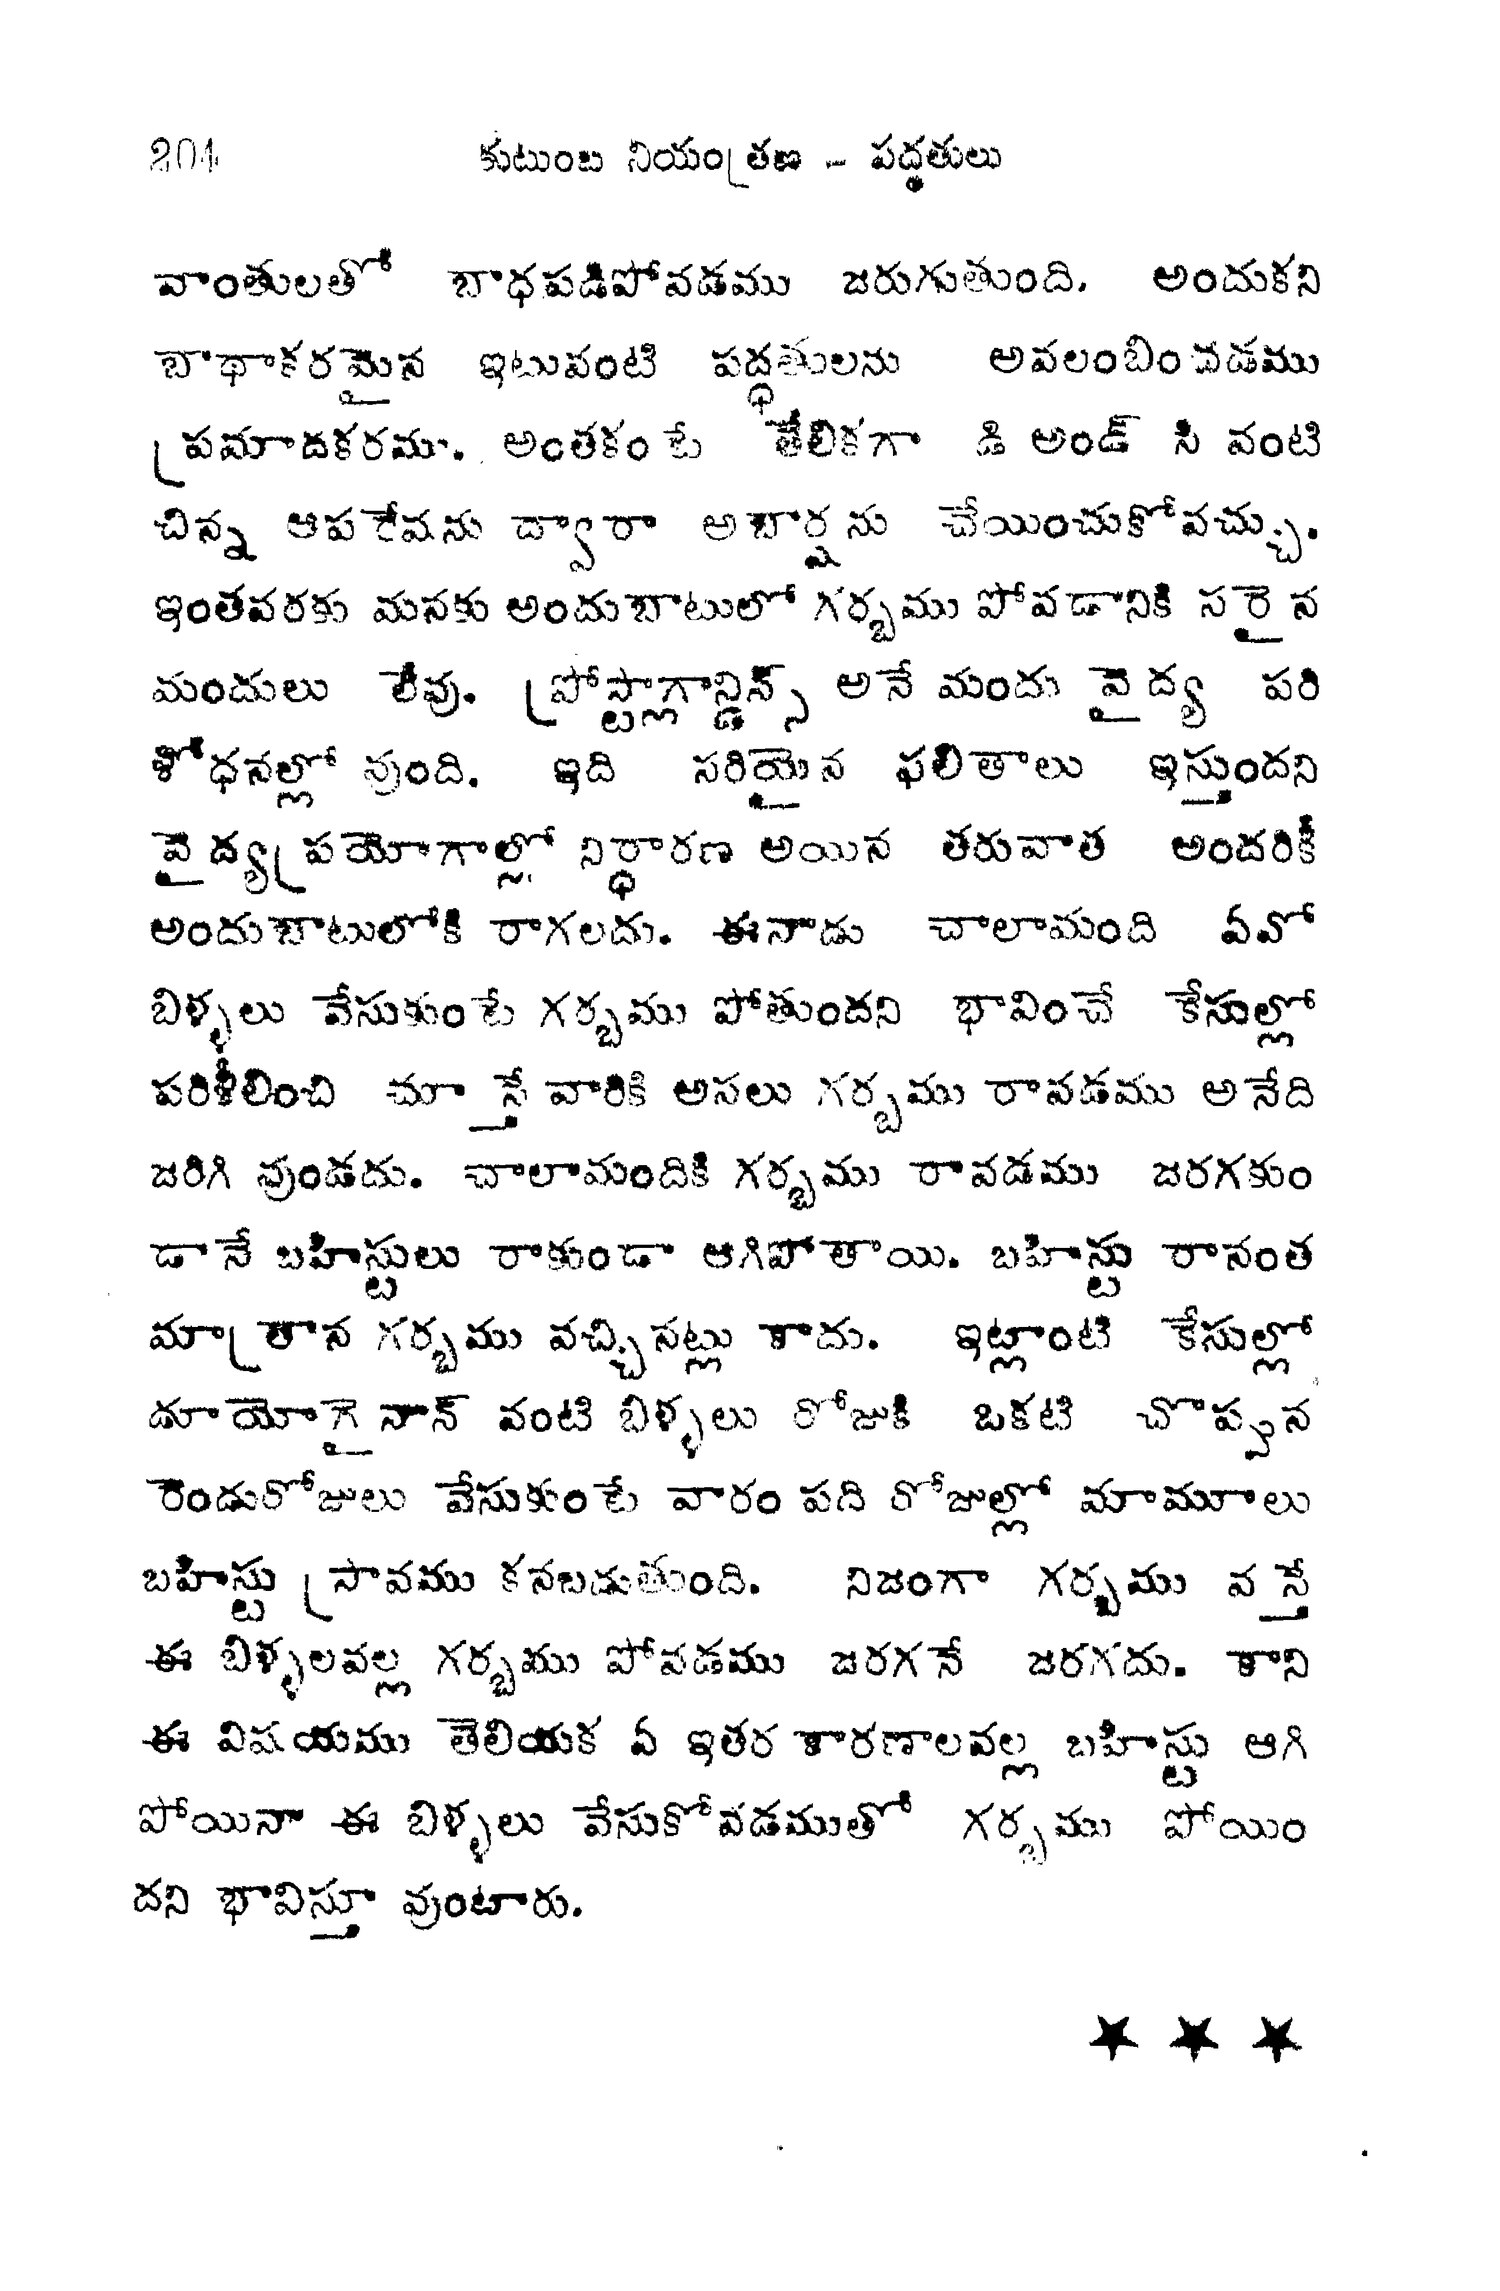వాంతులతో బాధపడిపోవడము జరుగుతుంది. అందుకని బాధాకరమైన ఇటువంటి పద్దతులను అవలంబించడము ప్రమాదకరము. అంతకంటే తేలికగా డి అండ్ సి వంటి చిన్నఆపరేషను ద్వారా అబార్షను చేయించుకోవచ్చు. ఇంతవరకు మనకు అందుబాటులో గర్భము పోవడానికి సరైన మందులులేవు. ప్రోస్టాగ్లాన్డిన్స్ అనే మందు వైద్య పరిశోధనల్లో వుంది. ఇది సరియైన ఫలితాలు ఇస్తుందని వైద్యప్రయోగాల్లో నిర్ధారణ అయిన తరువాత అందరికీ అందుబాటులోకి రాగలదు. ఈనాడు చాలామంది ఏవో బిళ్ళలు వేసుకుంటే గర్భము పోతుందని భావించే కేసుల్లో పరిశీలించి చూస్తే వారికి అసలు గర్భము రావడము అనేది జరిగి వుండదు. చాలామందికి గర్భము రావడము జరగకుండానే బహిస్టులు రాకుండా ఆగిపోతాయి. బహిస్టు రానంత మాత్రాన గర్భము వచ్చినట్లు కాదు. ఇట్లాంటి కేసుల్లో డూయోగైనాన్ వంటి బిళ్ళలు రోజుకి ఒకటి చొప్పున రెండు రోజులు వేసుకుంటే వారం పదిరోజుల్లో మామూలు బహిస్టు స్రావము కనబడుతుంది. నిజంగా గర్భమువస్తే ఈబిళ్ళలవల్ల గర్భము పోవడము జరగనే జరగదు. కాని ఈ విషయము తెలియక ఏ ఇతర కారణాలవల్ల బహిస్టు ఆగిపోయినా ఈ బిళ్ళలు వేసుకోవడముతో గర్భము పోయిందని భావిస్తూ వుంటారు.

* * *